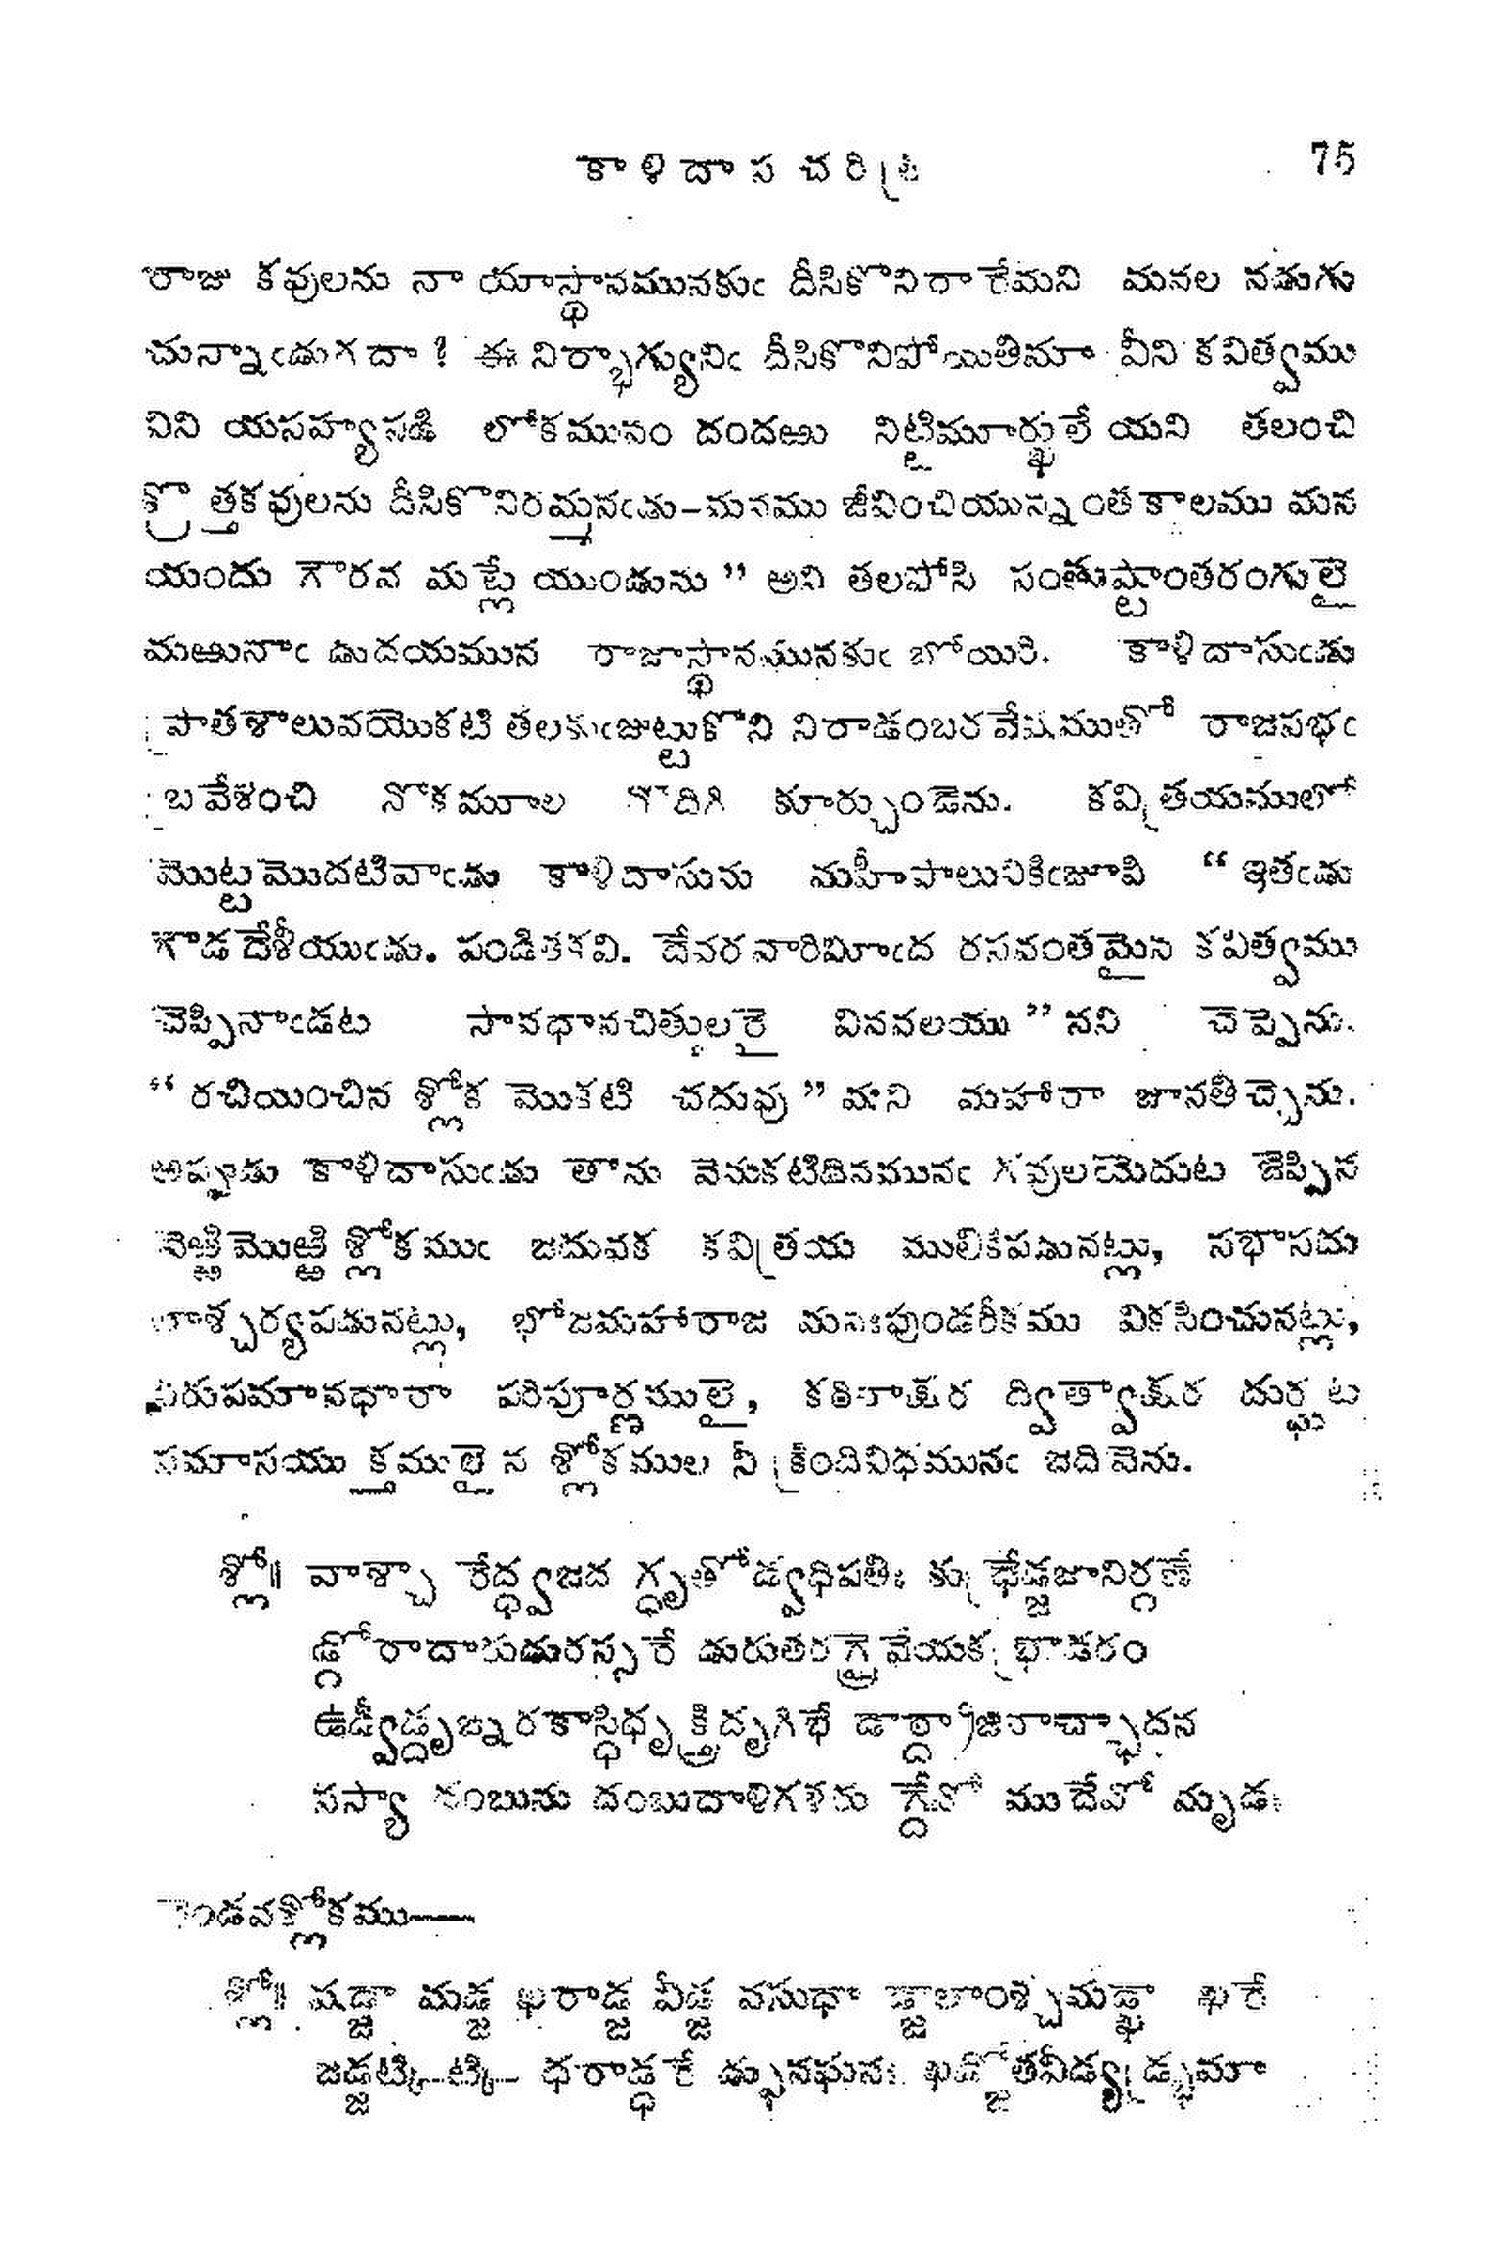రాజు కవులను నా యాస్థానమునకుఁ దీసికొనిరారేమని మరల నడుగుచున్నాఁడుగదా?ఈ నిర్భాగ్యునిఁ దీసికొనిపోయితిమా వీని కవిత్వము విని యసహ్యపడి లోకమునం దందఱు నిట్టిమూర్ఖులే యని తలంచి క్రొత్తకవులను దీసికొనిరమ్మనఁడు-మనము జీవించియున్నంతకాలము మనయందు గౌరవ మట్లేయుండును" అని తలపోసి సంతుష్టాంతరంగులై మఱునాఁడుదయమున రాజాస్థానమునకుఁ బోయిరి. కాళిదాసుఁడు ప్రాతశాలువాయొకటి తలకుఁజుట్టుకొని నిరాడంబరవేషముతో రాజసభఁ బ్రవేశించి నొకమూల నొదిగి కూర్చుండెను. కవిత్రయములో మొట్టమొదటివాఁడు కాళిదాసును మహీపాలునికిఁజూపి "ఇతఁడు గౌడదేశీయుఁడు. పండితకవి. దేవరవారిమీఁద రసవంతమైన కవిత్వము చెప్పినాఁడట సావధానచిత్తులరై వినవలయు" నని చెప్పెను. "రచియించిన శ్లోక మొకటి చదువు" మని మహారా జానతిచ్చెను. అప్పుడు కాళిదాసుఁడు తాను వెనుకటిదినమునఁ గవులయెదుట జెప్పిన వెఱ్ఱిమొఱ్ఱి శ్లోకముఁ జదువక కవిత్రయ ములికిపడునట్లు, సభాసదులాశ్చర్యపడునట్లు, భోజమహారాజ మనఃపుండరీకము వికసించునట్లు, నిరుపమానధారా పరిపూర్ణములై, కఠినాక్షర ద్విత్వాక్షర దుర్ఘట సమాసయుక్తములైన శ్లోకముల నీ క్రిందివిధమునఁ జదివెను.

శ్లో॥వాశ్చా రేద్ద్వజద గ్దృతోడ్వధిపతిః శుధ్రేడ్జజానిర్గణే
డ్గోరాదారుదురస్సరే డురుతరగ్రైవేయక భ్రాడరం 
ఉడ్వీడ్ద్రఙ్నరకాస్ధిధృక్త్రిదృగిభే డార్ద్రాజినాచ్ఛాదన
సస్యా దంబును దంబుదాళిగళరు గ్దేవో ముదేవో మృడః

రెండవశ్లోకము—

శ్లో॥షడ్జా మడ్జ ఖరాడ్జ వీడ్జ వసుధా డ్జాలాంశ్చమడ్ఖా ఖరే
 జడ్జట్కిట్కి ధరాడ్ధరేడ్ఫరే డ్ఫునఘనః ఖడ్జోతవీడ్యడ్ర్భమా